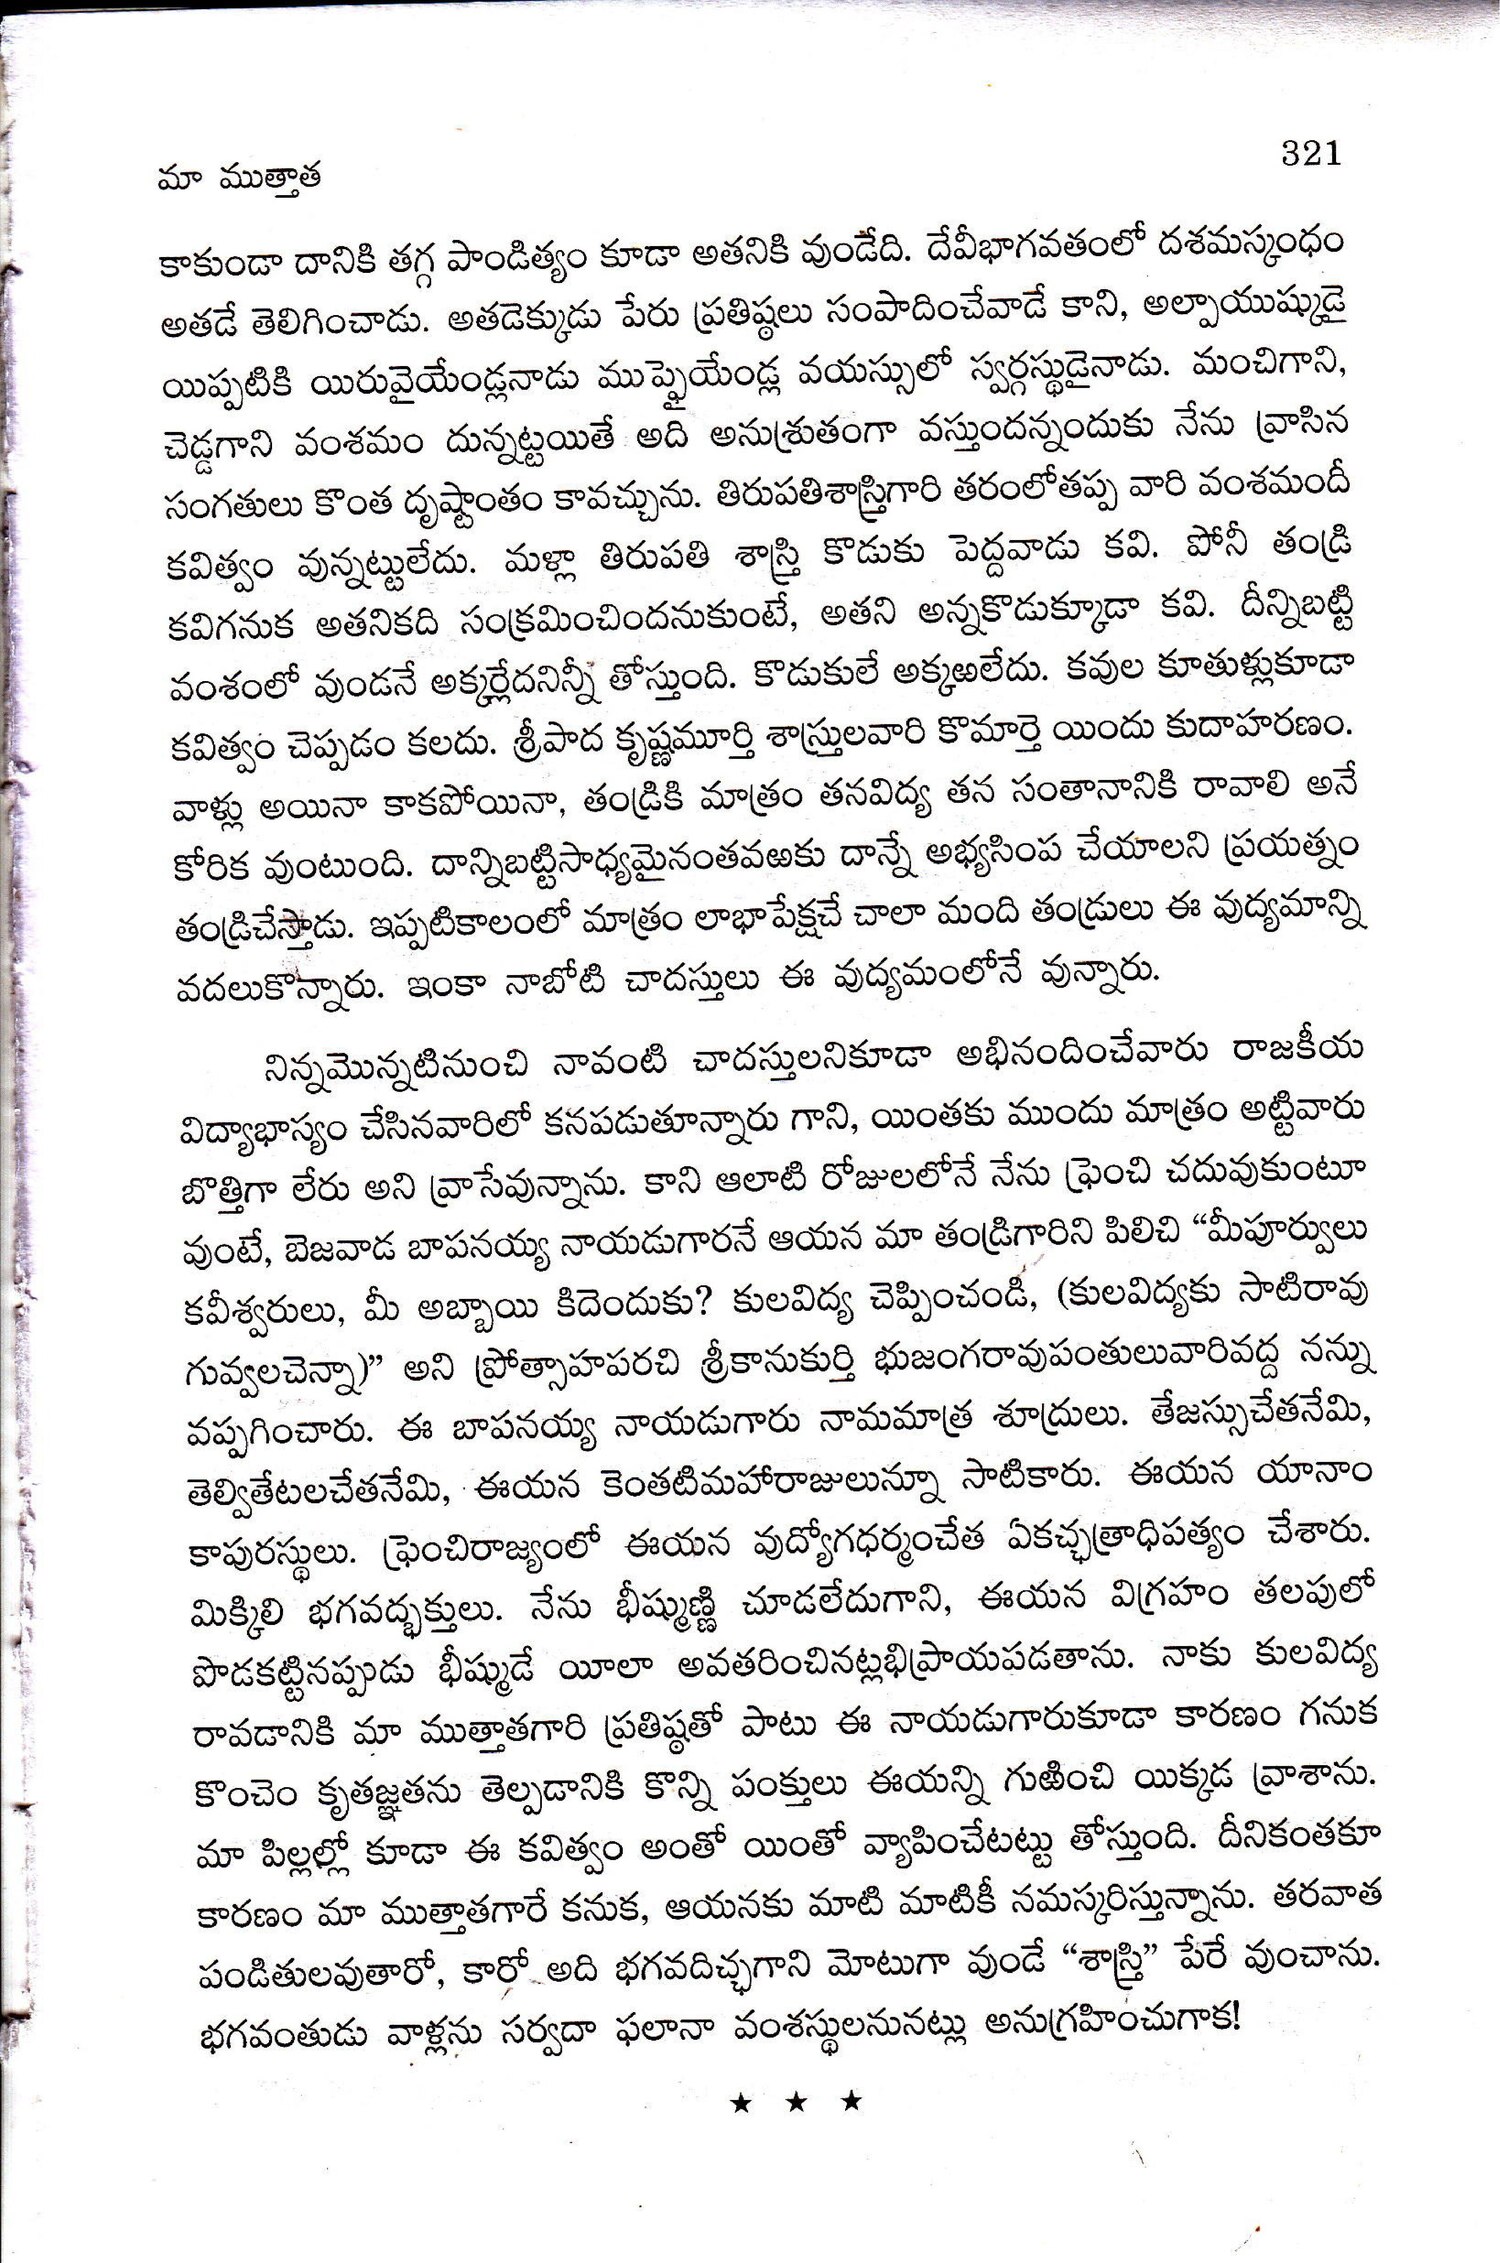కాకుండా దానికి తగ్గ పాండిత్యం కూడా అతనికి వుండేది. దేవీభాగవతంలో దశమస్కంధం అతడే తెలిగించాడు. అతడెక్కుడు పేరు ప్రతిష్ఠలు సంపాదించేవాడే కాని, అల్పాయుష్కుడై యిప్పటికి యిరువైయేండ్లనాడు ముప్ఫైయేండ్ల వయస్సులో స్వర్గస్థుడైనాడు. మంచిగాని, చెడ్డగాని వంశమం దున్నట్టయితే అది అనుశ్రుతంగా వస్తుందన్నందుకు నేను వ్రాసిన సంగతులు కొంత దృష్టాంతం కావచ్చును. తిరుపతిశాస్త్రిగారి తరంలోతప్ప వారి వంశమందీ కవిత్వం వున్నట్టులేదు. మళ్లా తిరుపతి శాస్త్రి కొడుకు పెద్దవాడు కవి. పోనీ తండ్రి కవిగనుక అతనికది సంక్రమించిందనుకుంటే, అతని అన్నకొడుక్కూడా కవి. దీన్నిబట్టి వంశంలో వుండనే అకర్లేదనిన్నీ తోస్తుంది. కొడుకులే అక్కఱలేదు. కవుల కూతుళ్లుకూడా కవిత్వం చెప్పడం కలదు. శ్రీపాద కృష్ణమూర్తి శాస్త్రులవారి కొమార్తె యిందు కుదాహరణం. వాళ్లు అయినా కాకపోయినా, తండ్రికి మాత్రం తనవిద్య తన సంతానానికి రావాలి అనే కోరిక వుంటుంది. దాన్నిబట్టిసాధ్యమైనంతవఱకు దాన్నే అభ్యసింప చేయాలని ప్రయత్నం తండ్రిచేస్తాడు. ఇప్పటికాలంలో మాత్రం లాభాపేక్షచే చాలా మంది తండ్రులు ఈ వుద్యమాన్ని వదలుకొన్నారు. ఇంకా నాబోటి చాదస్తులు ఈ వుద్యమంలోనే వున్నారు.

నిన్నమొన్నటినుంచి నావంటి చాదస్తులనికూడా అభినందించేవారు రాజకీయ విద్యాభాస్యం చేసినవారిలో కనపడుతూన్నారు గాని, యింతకు ముందు మాత్రం అట్టివారు బొత్తిగా లేరు అని వ్రాసేవున్నాను. కాని ఆలాటి రోజులలోనే నేను ఫ్రెంచి చదువుకుంటూ వుంటే, బెజవాడ బాపనయ్య నాయడుగారనే ఆయన మా తండ్రిగారిని పిలిచి “మీపూర్వులు కవీశ్వరులు, మీ అబ్బాయి కిదెందుకు? కులవిద్య చెప్పించండి, (కులవిద్యకు సాటిరావు గువ్వలచెన్నా)” అని ప్రోత్సాహపరచి శ్రీకానుకుర్తి భుజంగరావుపంతులువారివద్ద నన్ను వప్పగించారు. ఈ బాపనయ్య నాయడుగారు నామమాత్ర శూద్రులు. తేజస్సుచేతనేమి, తెల్వితేటలచేతనేమి, ఈయన కెంతటిమహారాజులున్నూ సాటికారు. ఈయన యానాం కాపురస్థులు. ఫ్రెంచిరాజ్యంలో ఈయన వుద్యోగధర్మంచేత ఏకచ్ఛత్రాధిపత్యం చేశారు. మిక్కిలి భగవద్భక్తులు. నేను భీష్ముణ్ణి చూడలేదుగాని, ఈయన విగ్రహం తలపులో పొడకట్టినప్పుడు భీష్ముడే యీలా అవతరించినట్లభిప్రాయపడతాను. నాకు కులవిద్య రావడానికి మా ముత్తాతగారి ప్రతిష్ఠతో పాటు ఈ నాయడుగారుకూడా కారణం గనుక కొంచెం కృతజ్ఞతను తెల్పడానికి కొన్ని పంక్తులు ఈయన్ని గుఱించి యిక్కడ వ్రాశాను. మా పిల్లల్లో కూడా ఈ కవిత్వం అంతో యింతో వ్యాపించేటట్టు తోస్తుంది. దీనికంతకూ కారణం మా ముత్తాతగారే కనుక, ఆయనకు మాటి మాటికీ నమస్కరిస్తున్నాను. తరవాత పండితులవుతారో, కారో అది భగవదిచ్చగాని మోటుగా వుండే "శాస్త్రి" పేరే వుంచాను. భగవంతుడు వాళ్లను సర్వదా ఫలానా వంశస్టులనునట్లు అనుగ్రహించుగాక!